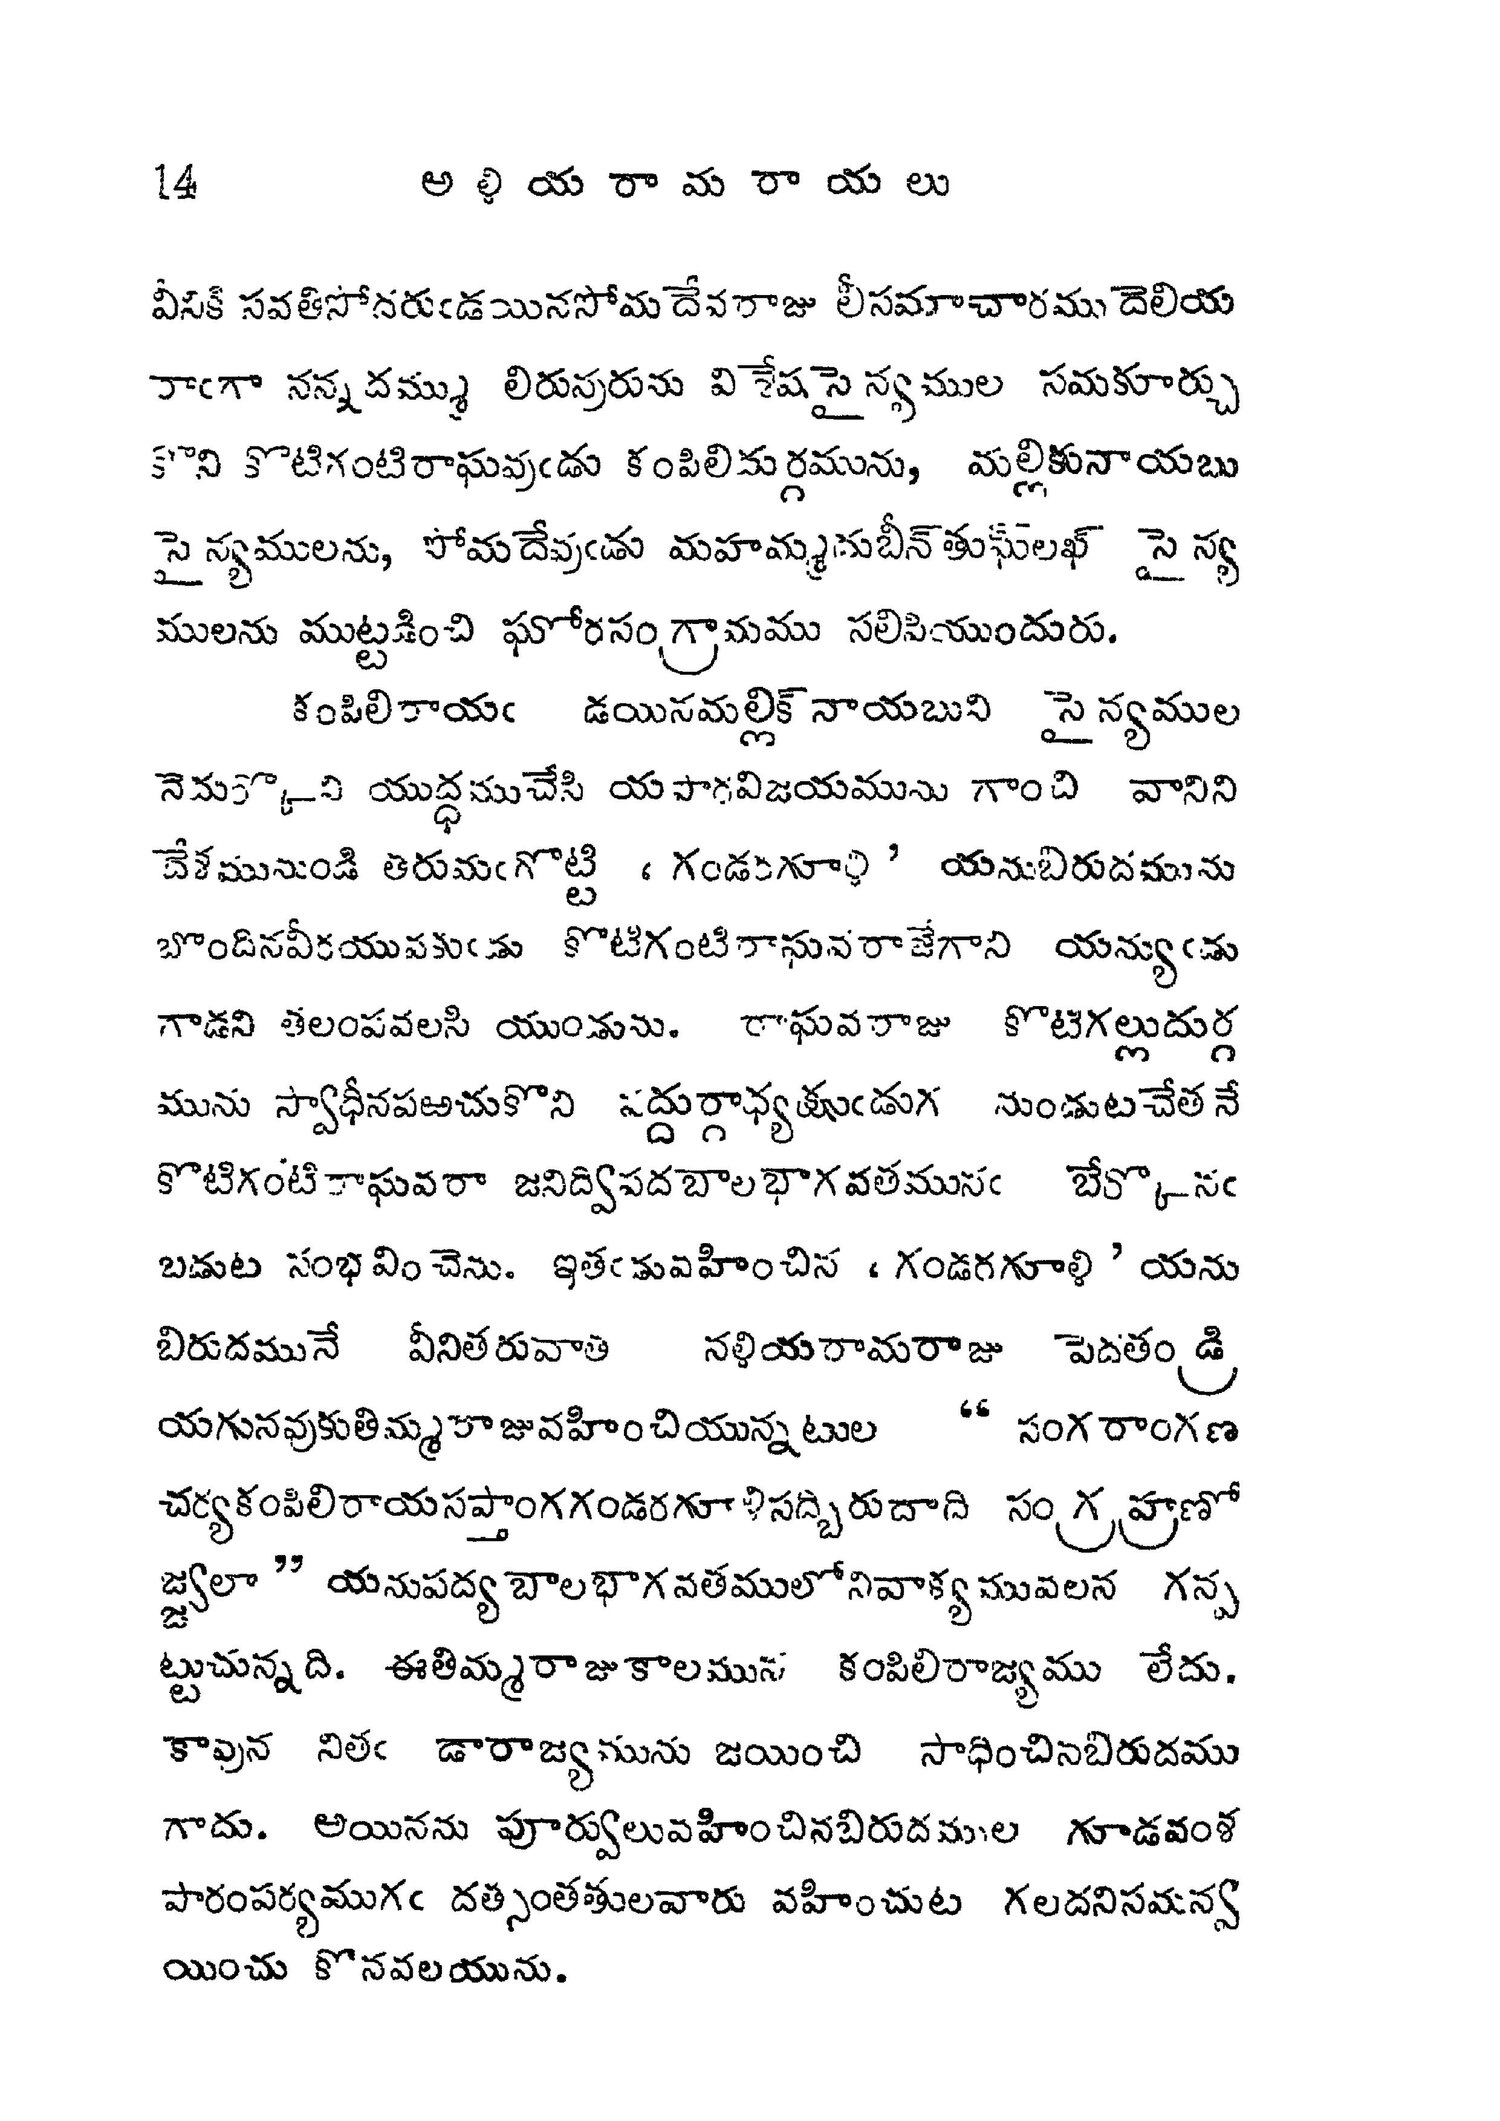వీనికి సవతిసోదరుడయిన సోమదేవరాజు లీసమాచారము దెలియరాగా నన్నదమ్ము లిరువురును విశేషసైన్యముల సమకూర్చుకొని కొటిగంటిరాఘవుడు కంపిలిదుర్గమును, మల్లికునాయబు సైన్యములను, సోమదేవుడు మహమ్మదుబీన్‌తుఘ్‌లఖ్ సైన్యములను ముట్టడించి ఘోరసంగ్రామము సలిపియుందురు.

కంపిలిరాయ డయినమల్లిక్‌నాయబుని సైన్యముల నెదుర్కొని యుద్ధముచేసి యపారవిజయమును గాంచి వానిని దేశమునుండి తరుమగొట్టి 'గండరగూళి' యనుబిరుదమును బొందినవీరయువకుడు కొటిగంటిరాఘవరాజేగాని యన్యుడు గాడని తలంపవలసి యుండును. రాఘవరాజు కొటిగల్లుదుర్గమును స్వాధీనపఱచుకొని నద్దుర్గాక్షుడుగ నుండుటచేతనే కొటిగంటిరాఘవరా జనిద్విపదబాలభాగవతమున బేర్కొన బడుట సంభవించెను. ఇతడువహించిన 'గండరగూళి' యను బిరుదమునే వీనితరువాత నళియరామరాజు పెదతండ్రియగు నవుకుతిమ్మరాజువహించియున్నటుల "సంగరాంగణ చర్యకంపిలిరాయ సప్తాంగగండరగూళి నద్బిరుదాది సంగ్రహ్రణోజ్జ్వలా" యనుపద్య బాలభాగవతములోని వాక్యమువలన గన్పట్టుచున్నది. ఈతిమ్మరాజుకాలమున కంపిలిరాజ్యము లేదు. కావున నిత డారాజ్యమును జయించి సాధించినబిరుదము గాదు. అయినను పూర్వులువహించినబిరుదముల గూడవంశపారంపర్యముగ దత్సంతతులవారు వహించుట గలదనిసమన్వయించు కొనవలయును.